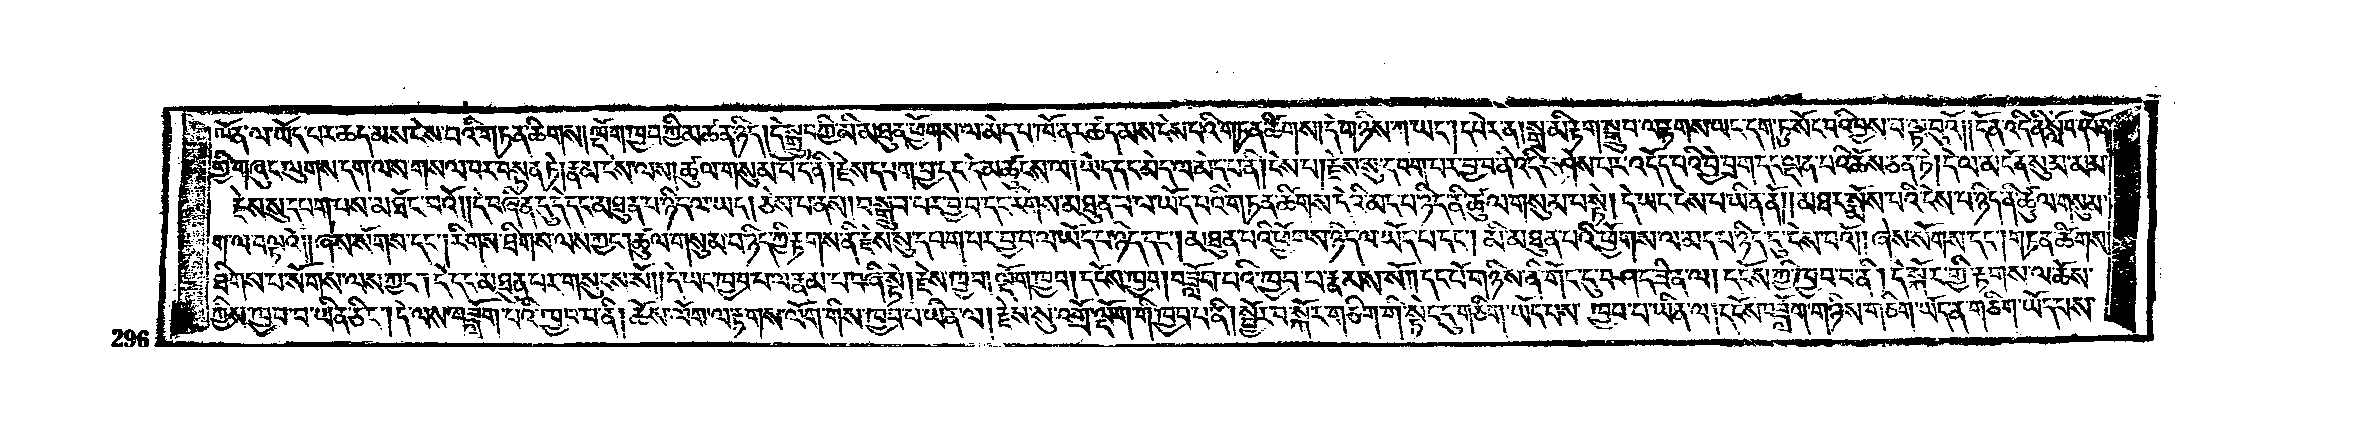ཁོ་ན་ལ་ཡོད་པར་ཚད་མས་ངེས་པའི་གཏན་ཚིགས། ལྡོག་ཁྱབ་ཀྱི་མཚན་ཉིད། དེ་སྒྲུབ་ཀྱི་མི་མཐུན་ཕྱོགས་ལ་མེད་པ་ཁོ་ནར་ཚད་མས་ངེས་པའི་གཏན་ཚིགས། དེ་གཉིས་ཀ་ཡང་། དཔེར་ན། སྒྲ་མི་རྟག་སྒྲུབ་ལ་རྟགས་ཡང་དག་ཏུ་སོང་བའི་བྱས་པ་ལྟ་བུའོ། །དོན་འདི་ནི་སློབ་དཔོན་
གྱི་གཞུང་ལུགས་དག་ལས་གསལ་བར་བསྟན་ཏེ། རྣམ་ངེས་ལས། ཚུལ་གསུམ་པོ་དེ་ནི། རྗེས་དཔག་བྱ་དང་དེ་མཚུངས་ལ། ཡོད་དང་མེད་ལ་མེད་པ་ནི། ངེས་པ། རྗེས་སུ་དཔག་པར་བྱ་བ་ནི་འདིར་ཤེས་པར་འདོད་པའི་བྱེ་བྲག་དང་ལྡན་པའི་ཆོས་ཅན་ཏེ། དེ་ལ་མངོན་སུམ་མམ་
རྗེས་སུ་དཔག་པས་མཐོང་བའོ། །དེ་བཞིན་དུ་དེ་དང་མཐུན་པ་ཉིད་ལ་ཡོད། ཅེས་པ་ནས། བསྒྲུབ་པར་བྱ་བ་དང་རིགས་མཐུན་པ་ལ་ཡོད་པའི་གཏན་ཚིགས་དེའི་མེད་པ་ཉིད་ནི་ཚུལ་གསུམ་པ་སྟེ། དེ་ཡང་ངེས་པ་ཡིན་ནོ། །མཐར་སྨོས་པའི་ངེས་པ་ཉིད་ནི་ཚུལ་གསུམ་
ག་ལ་བལྟའོ། །ཞེས་སོགས་དང་། རིགས་ཐིགས་ལས་ཀྱང་། ཚུལ་གསུམ་པ་ཉིད་ཀྱི་རྟགས་ནི་རྗེས་སུ་དཔག་པར་བྱ་བ་ལ་ཡོད་པ་ཉིད་དང་། མཐུན་པའི་ཕྱོགས་ཉིད་ལ་ཡོད་པ་དང་། མི་མཐུན་པའི་ཕྱོགས་ལ་མེད་པ་ཉིད་དུ་ངེས་པའོ། །ཞེས་སོགས་དང་། གཏན་ཚིགས་
ཐིགས་པ་སོགས་ལས་ཀྱང་། དེ་དང་མཐུན་པར་གསུངས་སོ། །དེ་ཡང་ཁྱབ་པ་ལ་རྣམ་པ་བཞི་སྟེ། རྗེས་ཁྱབ། ལྡོག་ཁྱབ། དངོས་ཁྱབ། བཟློག་པའི་ཁྱབ་པ་རྣམས་སོ། །དང་པོ་གཉིས་ནི་གོང་དུ་བཤད་ཟིན་ལ། དངོས་ཀྱི་ཁྱབ་པ་ནི། དེ་སྐོར་གྱི་རྟགས་ལ་ཆོས་
ཀྱིས་ཁྱབ་པ་ཡིན་ཅིང་། དེ་ལས་བཟློག་པའི་ཁྱབ་པ་ནི། ཆོས་ལོག་ལ་རྟགས་ལོག་གིས་ཁྱབ་པ་ཡིན་ལ། རྗེས་སུ་འགྲོ་ལྡོག་གི་ཁྱབ་པ་ནི། སྦྱོར་བ་སྐོར་གཅིག་གི་སྟེང་དུ་གཅིག་ཡོད་པས་ཁྱབ་པ་ཡིན་ལ། དངོས་བཟློག་གཉིས་གཅིག་ཡོད་ན་གཅིག་ཡོད་པས་